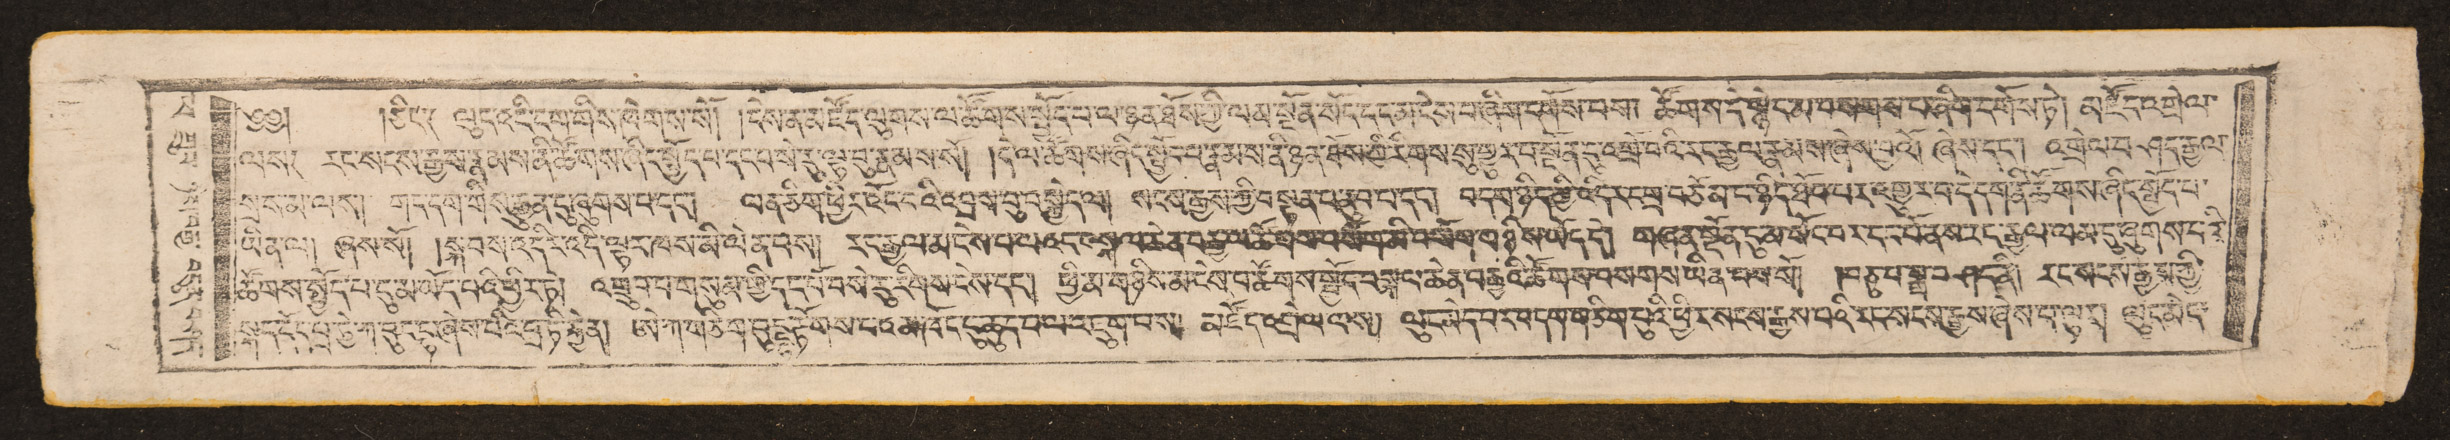༄༅། །ཅིང༑ ལུང་འདི་དག་གིས་ཁེགས་སོ། །དེས་ན་མཛོད་ལུགས་ལ་ཚོགས་སྤྱོད་པ་ལ་ཉན་ཐོས་ཀྱི་ལམ་སྔོན་སོང་དང་མ་ངེས་པ་ཞིག་དགོས་པས། ཚོགས་དེ་སྙེད་མ་བསགས་པ་ཞིག་དགོས་ཏེ། མཛོད་འགྲེལ་
ལས༑ རང་སངས་རྒྱས་རྣམས་ནི་ཚོགས་ཞིང་སྤྱོད་པ་དང་བསེ་རུ་ལྟ་བུ་རྣམས་སོ། །དེ་ལ་ཚོགས་ཞིང་སྤྱོད་པ་རྣམས་ནི་ཉན་ཐོས་ཀྱི་རིགས་སུ་གྱུར་བ་སྔོན་དུ་འགྲོ་བའི་རང་རྒྱལ་རྣམས་ཞེས་བྱའོ། ཞེས་དང་། འགྲེལ་བཤད་རྒྱལ་
སྲས་མ་ལས། གང་དག་གིས་རྒྱུན་དུ་ཞུགས་པ་དང་། ལན་ཅིག་ཕྱིར་འོང་བའི་འབྲས་བུ་བསྐྱེད་ལ། སངས་རྒྱས་ཀྱི་བསྟན་པ་ནུབ་པ་དང་། བདག་ཉིད་ཀྱི་འདིར་དགྲ་བཅོམ་པ་ཉིད་ཐོབ་པར་འགྱུར་བ་དེ་དག་ནི་ཚོགས་ཞིང་སྤྱོད་པ་
ཡིན་ལ། ཞས་སོ། །སྐབས་འདིར་འདི་ལྟར་ཁས་མི་ལེན་པས། རང་རྒྱལ་མ་ངེས་པ་ལའང་བསྐལ་ཆེན་བརྒྱ་ལ་ཚོགས་བསོག་མི་བསོག་གཉིས་ཡོད་དེ། གཞན་སྔོན་དུ་མ་སོང་བར་དང་པོ་ནས་རང་རྒྱལ་ལན་དུ་ཞུགས་པའི་
ཚོགས་སྤྱོད་པ་དུ་མ་ཡོད་པའི་ཕྱིར་ཏེ། འགྲུབ་པ་གསུམ་གྱི་དང་པོ་བསེ་རུ་རིགས་ངེས་དང་། ཕྱི་མ་གཉིས་མ་ངེས་པ་ཚོགས་སྤྱོད་བསྐལ་ཆེན་བརྒྱའི་ཚོགས་བསགས་ཡིན་པས་སོ། །བཅུ་པ་སྒྲ་བཤད་ནི། རང་སངས་རྒྱས་ཀྱི་
སྐད་དོད་པྲ་ཏྱེ་ཀ་བུདྡྷ་ཞེས་པའི་པྲ་ཏི་རྐྱེན། ཨེ་ཀ་གཅིག་བུདྡྷ་རྟོགས་པའམ་ཁོང་དུ་ཆུད་པ་ལ་འཇུག་པས། མཛོད་འགྲེལ་ལས། ལུང་མེད་པར་བདག་གཅིག་པུའི་ཕྱིར་སངས་རྒྱས་པའི་རང་སངས་རྒྱས་ཞེས་པ་ལྟར། ལུང་མེད་